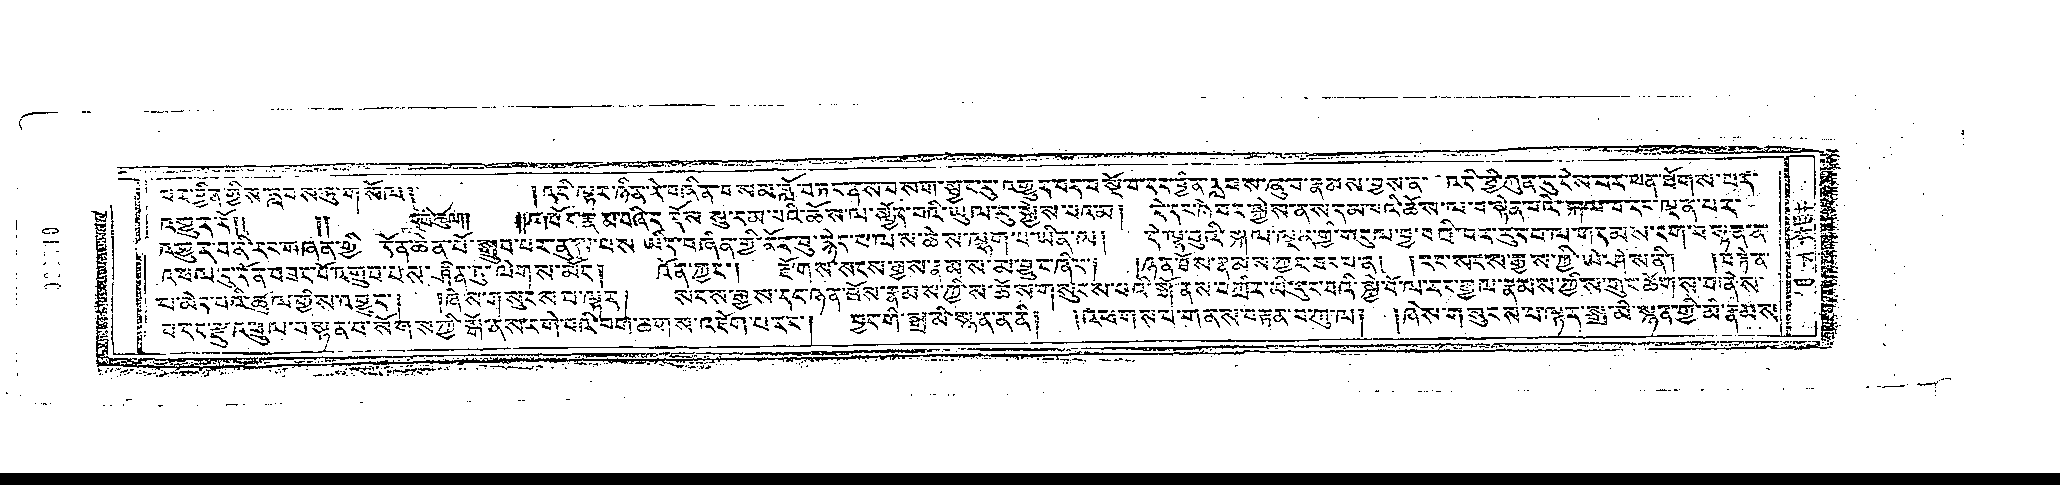པར་བྱིན་གྱིས་ཟླབས་ཏུ་གསོལ། །འདི་ལྟར་ཉིན་དེ་བཞིན་བསམ་བློ་བཏང་ནས་བསག་སྦྱང་དུ་འགྱུར་བར་བསྔོ་བ་དང་བྱིན་རླབས་ཞུ་བ་རྣམས་བྱས་ན་འདི་ཕྱི་ཀུན་དུ་ངེས་པར་ཕན་ཐོགས་བར་
འགྱུར་རོ།། །། བཀྲི་ཚུལ། །འཁོར་ནམ་འྮིར་ངོས་སུ་དམ་པའི་ཆོས་ལ་སྤྱོད་པའི་ཡུལ་དུ་སྐྱེས་པའམ། དེ་དང་ཞེ་བར་སྐྱས་ནས་རིམ་བའི་ཆོས་ལ་བསྟེན་པལ་སལ་བ་དང་ལྡན་པར་
འགྱུར་བ་ནི་རང་གཞན་གྱི་དོན་ཆེན་པོ་སྒྲུབ་པར་ནུས་པས་ཡིད་བཞིན་གྱི་ནོར་བུ་རྙེད་པ་ལས་ཆོས་ལྷག་པ་ཡིན་ལ། དེ་ལྟ་བུའི་སྐལ་ལྡན་གྱི་གདུལ་བྱ་བཀྲི་བར་རུང་བ་ལ་གདམས་དག་བསྟན་ན་
འཕལ་དུ་དོན་བབ་ང?་བོ་འགྲུབ་པས་ཤིན་ཏུ་ལེགས་མོད། འོན་ཀྱང་། རྫོགས་སངས་རྒྱས་རྣམས་མ་བྱུང་ཞིང་། །ཉན་ཐོས་རྣམས་ཀྱང་ཟང་པ་ན། །རང་སངས་རྒྱས་ཀྱི་ཡེ་ཤེས་ནི། །བཏེན་
པ་མེད་པའི་ཚུལ་གྱིས་འབྱུང་། །ཞེས་གསུངས་པ་ལྟར། སངས་རྒྱས་དང་ཉན་ཐོས་རྣམས་ཀྱིས་ཆོས་གསུངས་བའི་སྒོ་ནས་བགྲིར་མི་རུང་བའི་སྐྱེ་བོ་ལ་རང་རྒྱལ་རྣམས་ཀྱིས་གུར་ཚེགས་པ་ཞེས་
པ་དོན་རྫུ་འཕྲུལ་བསྟན་པ་སོགས་ཀྱི་སྒོ་ནས་དགེ་བའི་བག་ཆགས་འཇོག་བ་དང་། བྱང་གི་སྒྲ་མི་སྙན་ན་ནི། འཕགས་པ་གནས་བརྟན་པ་ཀུ་ལ། །ཞེས་གསུངས་པ་སྙན་སྒྲ་མི་སྙན་གྱི་མི་རྣམས་